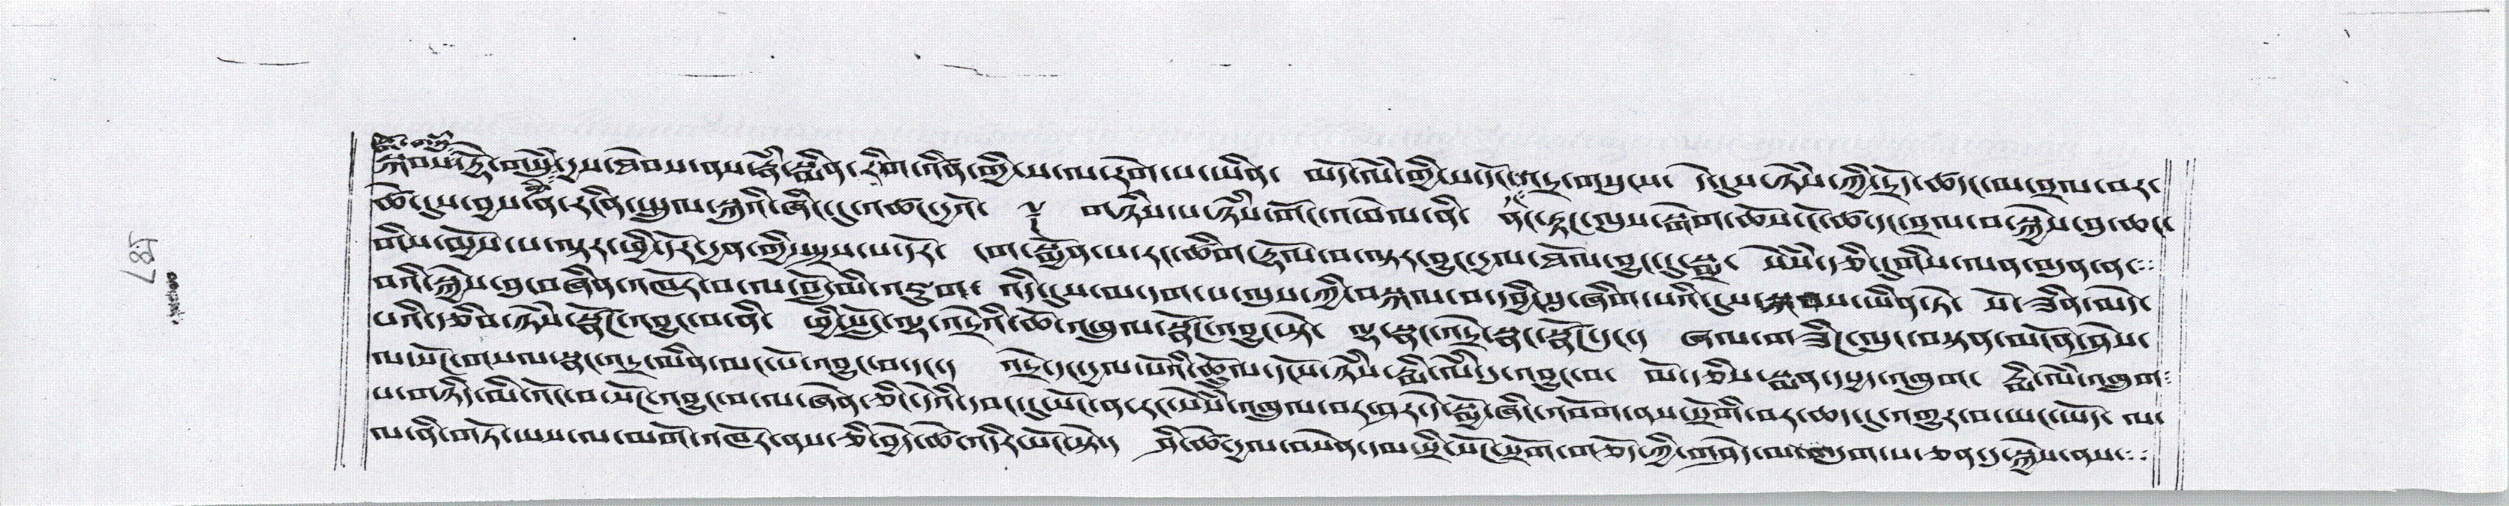སྐབས་སྒོ་གསུམ་རྡོ་རྗེ་གསུམ་གྱི་རྒྱས་ཐེབས་ནས་རྣམ་སྨིན་རིག་འཛིན་གྱི་ས་ལ་རེག་པ་ཡིན། མདོ་ལམ་གྱི་ས་དང་པོ་དང་འདྲ་གསུངས། དེ་དུས་ཉམས་ཀྱི་དྲོད་ཚད་དང་མ་བྲལ་བར་
ཚེ་དུས་བྱས་ན་རང་བཞིན་སྤྲུལ་སྐུའི་ཞིང་དུ་འཚང་རྒྱའོ།།༧ གཉིས་པ་ཉམས་གོང་འཕེལ་ནི། ནང་རྟགས་ལུས་སྒེག་ཆོས་ངོ་ཚ་དང་བྲལ་བ་སྐྱེས་བུ་ཆང་
གིས་མྱོས་པ་ལྟར་བྱི་དོར་རྒྱན་གྱིས་སྤྲས་པ་ལྟར་དོར། ངག་མྱོན་པ་རང་ཚིག་རྡོལ་བ་ལྟར་བྱུང་རྒྱལ་ཐོལ་བྱུང་དུ་སྨྲ། སེམས་རྩི་དུག་གིས་ལན་བདུན་ན་
བའི་སྐྱེས་བུ་བཞིན་འཁོར་བ་ལ་བློ་མི་འཇུག འདི་དུས་མ་དག་པ་ལུས་ཀྱི་བསྐལ་པ་དབྱིངས་སུ་ཞིག་པའི་དུས་སྐབས་ཡིན་ཏེ། སོ་ཟིན་མེད་
པའི་རྩིབས་ཉམས་སྣ་ཚོགས་འབྱུང་བ་ནི། ཕྱི་སློང་ལྷ་འདྲེའི་ཆོ་འཕྲུལ་སྣ་ཚོགས་འབྱུང་སྟེ། ལྷ་སྣང་འདྲེ་སྣང་སྣ་ཚོགས་དང་། ཞལ་གཟིགས་ལུང་བསྟན་མངོན་ཤེས་
ལ་སོགས་གསལ་སྣང་འདྲ་མིན་མང་པོ་འབྱུང་བ་དང་། འདྲེ་དང་རྒྱལ་པོའི་ཆོ་འཕྲུལ་དངོས་ཉམས་རྨི་ལམ་དུ་འབྱུང་བ། མོ་རྩིས་སྨན་དཔྱད་འཁྲུག་རྨི་ལམ་འཁྲུག་
པ་གཉིད་མི་འོང་བ་སོགས་འབྱུང་བ་ལ་ཞེན་ཅིང་དེའི་དབང་དུ་སོང་ན་རང་སེམས་འཁྲུལ་པར་ཤར་དེ་སྨྱོ་ཞིང་འབོག་ནས་སྲོག་གི་བར་ཆད་དུ་འགྱུར་བའང་ཡོད། ལ་
ལ་ནི་གཏོ་ཡས་ལ་འགོ་འཁོར་ཏེ་ཅི་བྱེད་ཚེ་འདིར་སོང་སྟེ། ཤི་ཚེ་རྒྱལ་བསེན་དམ་སྲི་སོགས་སྲོག་གཅོད་ཀྱི་གཤེད་མ་གདུག་པ་ཅན་དུ་སྐྱེས་ནས་